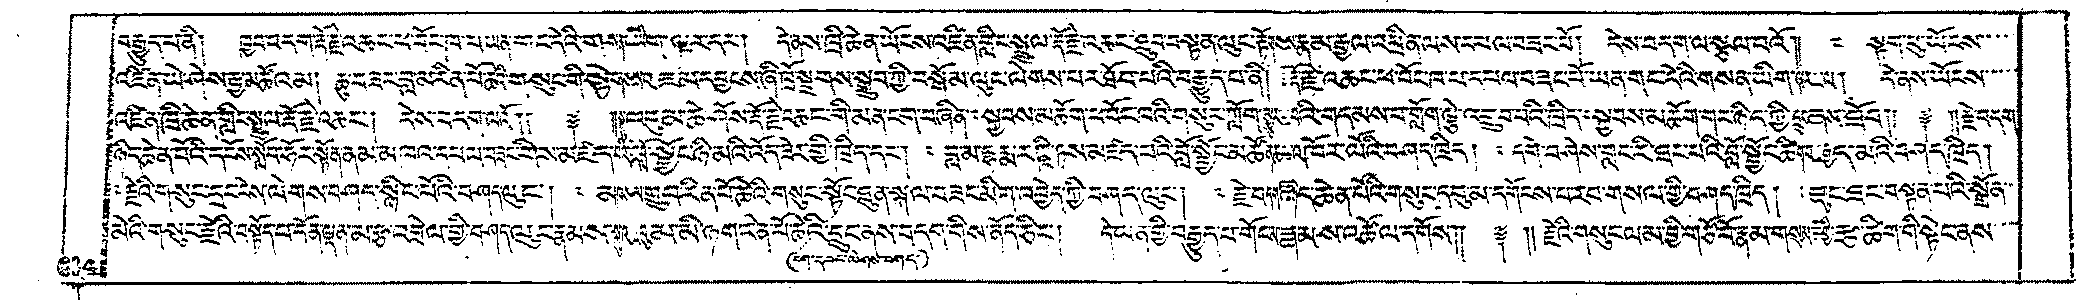བརྒྱུད་པ་ནི། ཁྱབ་བདག་རྡོ་རྗེ་འཆང་ཕ་བོང་ཁ་པ་ཡན་གང་དེའི་གསན་ཡིག་ལྟར་དང་། དེ་ནས་ཁྲི་ཆེན་ཡོངས་འཛིན་གླིང་སྤྲུལ་རྡོ་རྗེ་འཆང་ཐུབ་བསྟན་ལུང་རྟོགས་རྣམ་རྒྱལ་འཕྲིན་ལས་དཔལ་བཟང་པོ། དེས་བདག་ལ་སྩལ་བའོ།། ༧་སྟེག་ཕུ་ཡོངས་
འཛིན་ཡེ་ཤེས་རྒྱ་མཚོའམ། ཆུ་བཟང་བླ་མ་རིན་པོ་ཆེའི་གསུང་གེ་སྟེང་ནས་འཇམ་དབྱངས་ཞི་ཁྲོ་སྦྲགས་སྒྲུབ་ཀྱི་བསྒོམ་ལུང་ལེགས་པར་ཐོབ་པའི་བརྒྱུད་པ་ནི། རྡོ་རྗེ་འཆང་པ་བོང་ཁ་པ་དཔལ་བཟང་པོ་ཡན་གང་དེའི་གསན་ཡིན་ལྟར་ལ། དེ་ནས་ཡོངས་
འཛིན་ཁྲི་ཆེན་གླིང་སྤྲུལ་རྡོ་རྗེ་འཆང་། དེས་བདག་ལའོ།། འ་།།སྐུ་འབུམ་ཆེ་ཤོས་རྡོ་རྗེ་འཆང་གི་མན་ངག་བཞིན ༧་སྐྱབས་མཆོག་ཕ་བོང་ཁའི་གསུང་ལ་ཀློག་མྱུར་བའི་གདམས་པ་གློག་ལྕེ་འགྲུབ་པའི་ཁྲིད ༧་སྐྱབས་མཆོག་གང་ཉིད་ཀྱི་དྲུང་ནས་ཐོབ།། འ་།།རྗེ་བདག་
ཉིད་ཆེན་པོའི་དངོས་སློབ་ཁོར་སྟོན་ནམ་མཁའ་དཔལ་བཟང་གིས་མཛད་པའི་བློ་སྦྱོང་ཉི་མའི་འོད་ཟེར་གྱི་ཁད་དང་། ༧་བླ་མ་དྷརྨ་རཀཌཿཨི་ཏས་མཛད་པའི་བློ་སྦྱོང་མཚོན་ཆ་འཁོར་ལོའི་བཤད་ཁྲིད། ༧་དགེ་བཤེས་གང་རི་ཐང་པའི་བློ་སྦྱོང་ཚིག་བརྒྱུད་མའི་བཤད་ཁྲིད།
རྗེའི་གསུང་དྲང་ངེས་ལེགས་བཤད་སྙིང་པོའི་བཤད་ལུང་། ༧་མཁས་གྲུབ་རིན་པོ་ཆེའི་གསུང་སྟོང་ཐུན་སྐལ་བཟང་མིག་འབྱེད་ཀྱི་བཤད་ལུང་། ༧་རྗེ་བདག་ཉིད་ཆེན་པོའི་གསུང་དབུ་མ་དགོངས་པ་རབ་གསལ་གྱི་བཤད་ཁྲིད། ༧་གུང་ཐང་བསྟན་པའི་སྒྲོན་
མེའི་གསུང་རྗེའི་བསྟོད་པ་དོན་ལྡན་མ་རྩ་འགྲེལ་བཤད་ལུང་རྣམས་སྐུ་འབུམ་མི་ཉག་རིན་པོ་ཆེའི་ངག་དབང་ལེགས་བཤད་དྲུང་ནས་བདག་གིས་ནོད་ཅིང་། དེ་ཡན་གྱི་བརྒྱུད་པ་གོང་མ་རྣམས་འཚོལ་དགོས།། འ་།།རྗེའི་གསུང་ལམ་གྱི་གཙོ་བོ་རྣམ་གསུམ་གྱི་རྩ་ཚིག་གི་སྟེང་ནས་